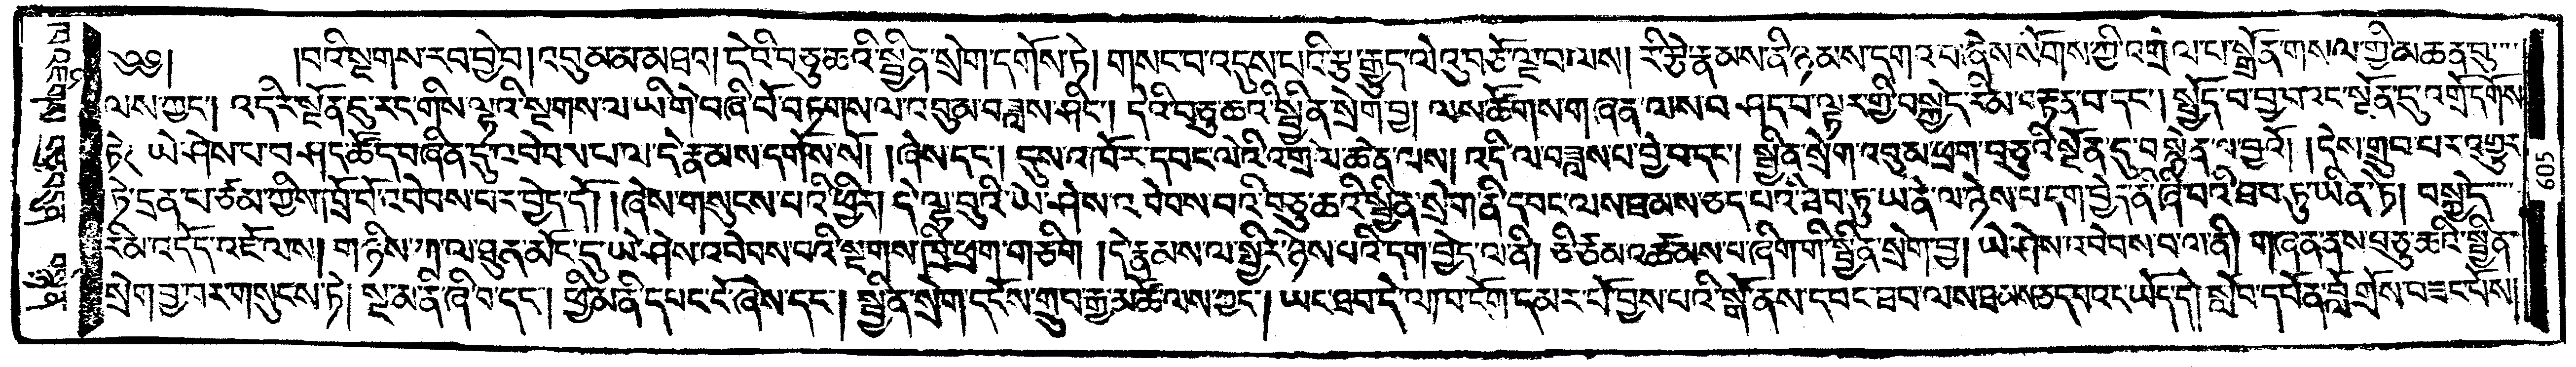༄༅། །བའི་སྔགས་རབ་བྱེ་བ། འབུམ་མ་མཐའ། དེའི་བཅུ་ཆའི་སྦྱིན་སྲེག་དགོས་ཏེ། གསང་བ་འདུས་པའི་རྩ་རྒྱུད་ལེའུ་བཅོ་ལྔ་པ་ལས། རི་རྩེ་རྣམས་ནི་ཉམས་དགའ་བ་ཞེས་སོགས་ཀྱི་འགྲེལ་པ་སྒྲོན་གསལ་གྱི་མཆན་བུ་
ལས་ཀྱང་། འདིར་སྔོན་དུ་རང་གིས་ལྷའི་སྔགས་ལ་ཡི་གེ་བཞི་པོ་བཏགས་ལ་འབུམ་བཟླས་ཤིང་། དེའི་བཅུ་ཆའི་སྦྱིན་སྲེག་བྱ། ལས་ཚོགས་གཞན་ལས་བཤད་པ་ལྟར་གྱི་བསྐྱེད་རིམ་བརྟན་པ་དང་། སྤྱོད་པ་བྱ་བའང་སྔོན་དུ་འགྲོ་དགོས་
ཏེ༑ ཡེ་ཤེས་པ་བཤད་ཚོད་བཞིན་དུ་འབེབས་པ་ལ་དེ་རྣམས་དགོས་སོ། །ཞེས་དང་། དུས་འཁོར་དབང་ལེའི་འགྲེལ་ཆེན་ལས། འདི་ལ་བཟླས་པ་བྱེ་བ་དང་། སྦྱིན་སྲེག་འབུམ་ཕྲག་བཅུའི་སྔོན་དུ་བསྙེན་པ་བྱའོ། །དེས་གྲུབ་པར་འགྱུར་
ཏེ་དྲན་པ་ཙམ་ཀྱིས་ཁྲོ་བོ་འབེབས་པར་བྱེད་དོ། །ཞེས་གསུངས་པའི་ཕྱིར། དེ་ལྟ་བུའི་ཡེ་ཤེས་འབེབས་པའི་བཅུ་ཆའི་སྦྱིན་སྲེག་ནི་དབང་ལས་ཐམས་ཅད་པའི་ཐབ་ཏུ་ཡ་ནེ་ལ་ཉེས་པ་དག་བྱེད་ནི་ཞི་བའི་ཐབ་ཏུ་ཡིན་ཏེ། བསྐྱེད་
རིམ་འདོད་འཇོ་ལས། གཉིས་ཀ་ལ་ཐུན་མོང་དུ་ཡེ་ཤེས་འབེབས་པའི་སྔགས་ཁྲི་ཕྲག་གཅིག །དེ་རྣམས་ལ་སྤྱིར་ཉེས་པའི་དག་བྱེད་ལ་ནི། ཅི་ཙམ་འཚམས་པ་ཞིག་གི་སྦྱིན་སྲེག་བྱ། ཡེ་ཤེས་འབེབས་བ་ལ་ནི། གཞན་ནས་བཅུ་ཆའི་སྦྱིན་
སྲེག་བྱ་བར་གསུངས་ཏེ། སྔ་མ་ནི་ཞི་བ་དང་། ཕྱི་མ་ནི་དཔང་ངོ་ཞེས་དང་། སྦྱིན་སྲེག་དངོས་གྲུབ་རྒྱ་མཚོ་ལས་ཀྱང་། ཡང་ཐབ་དེ་ལ་ཁ་དོག་དམར་པོ་བྱས་པའི་སྒོ་ནས་དབང་ཐབ་ལས་ཐམས་ཅད་པའང་ཡོད་དེ། སློབ་དཔོན་བློ་གྲོས་བཟང་པོས།